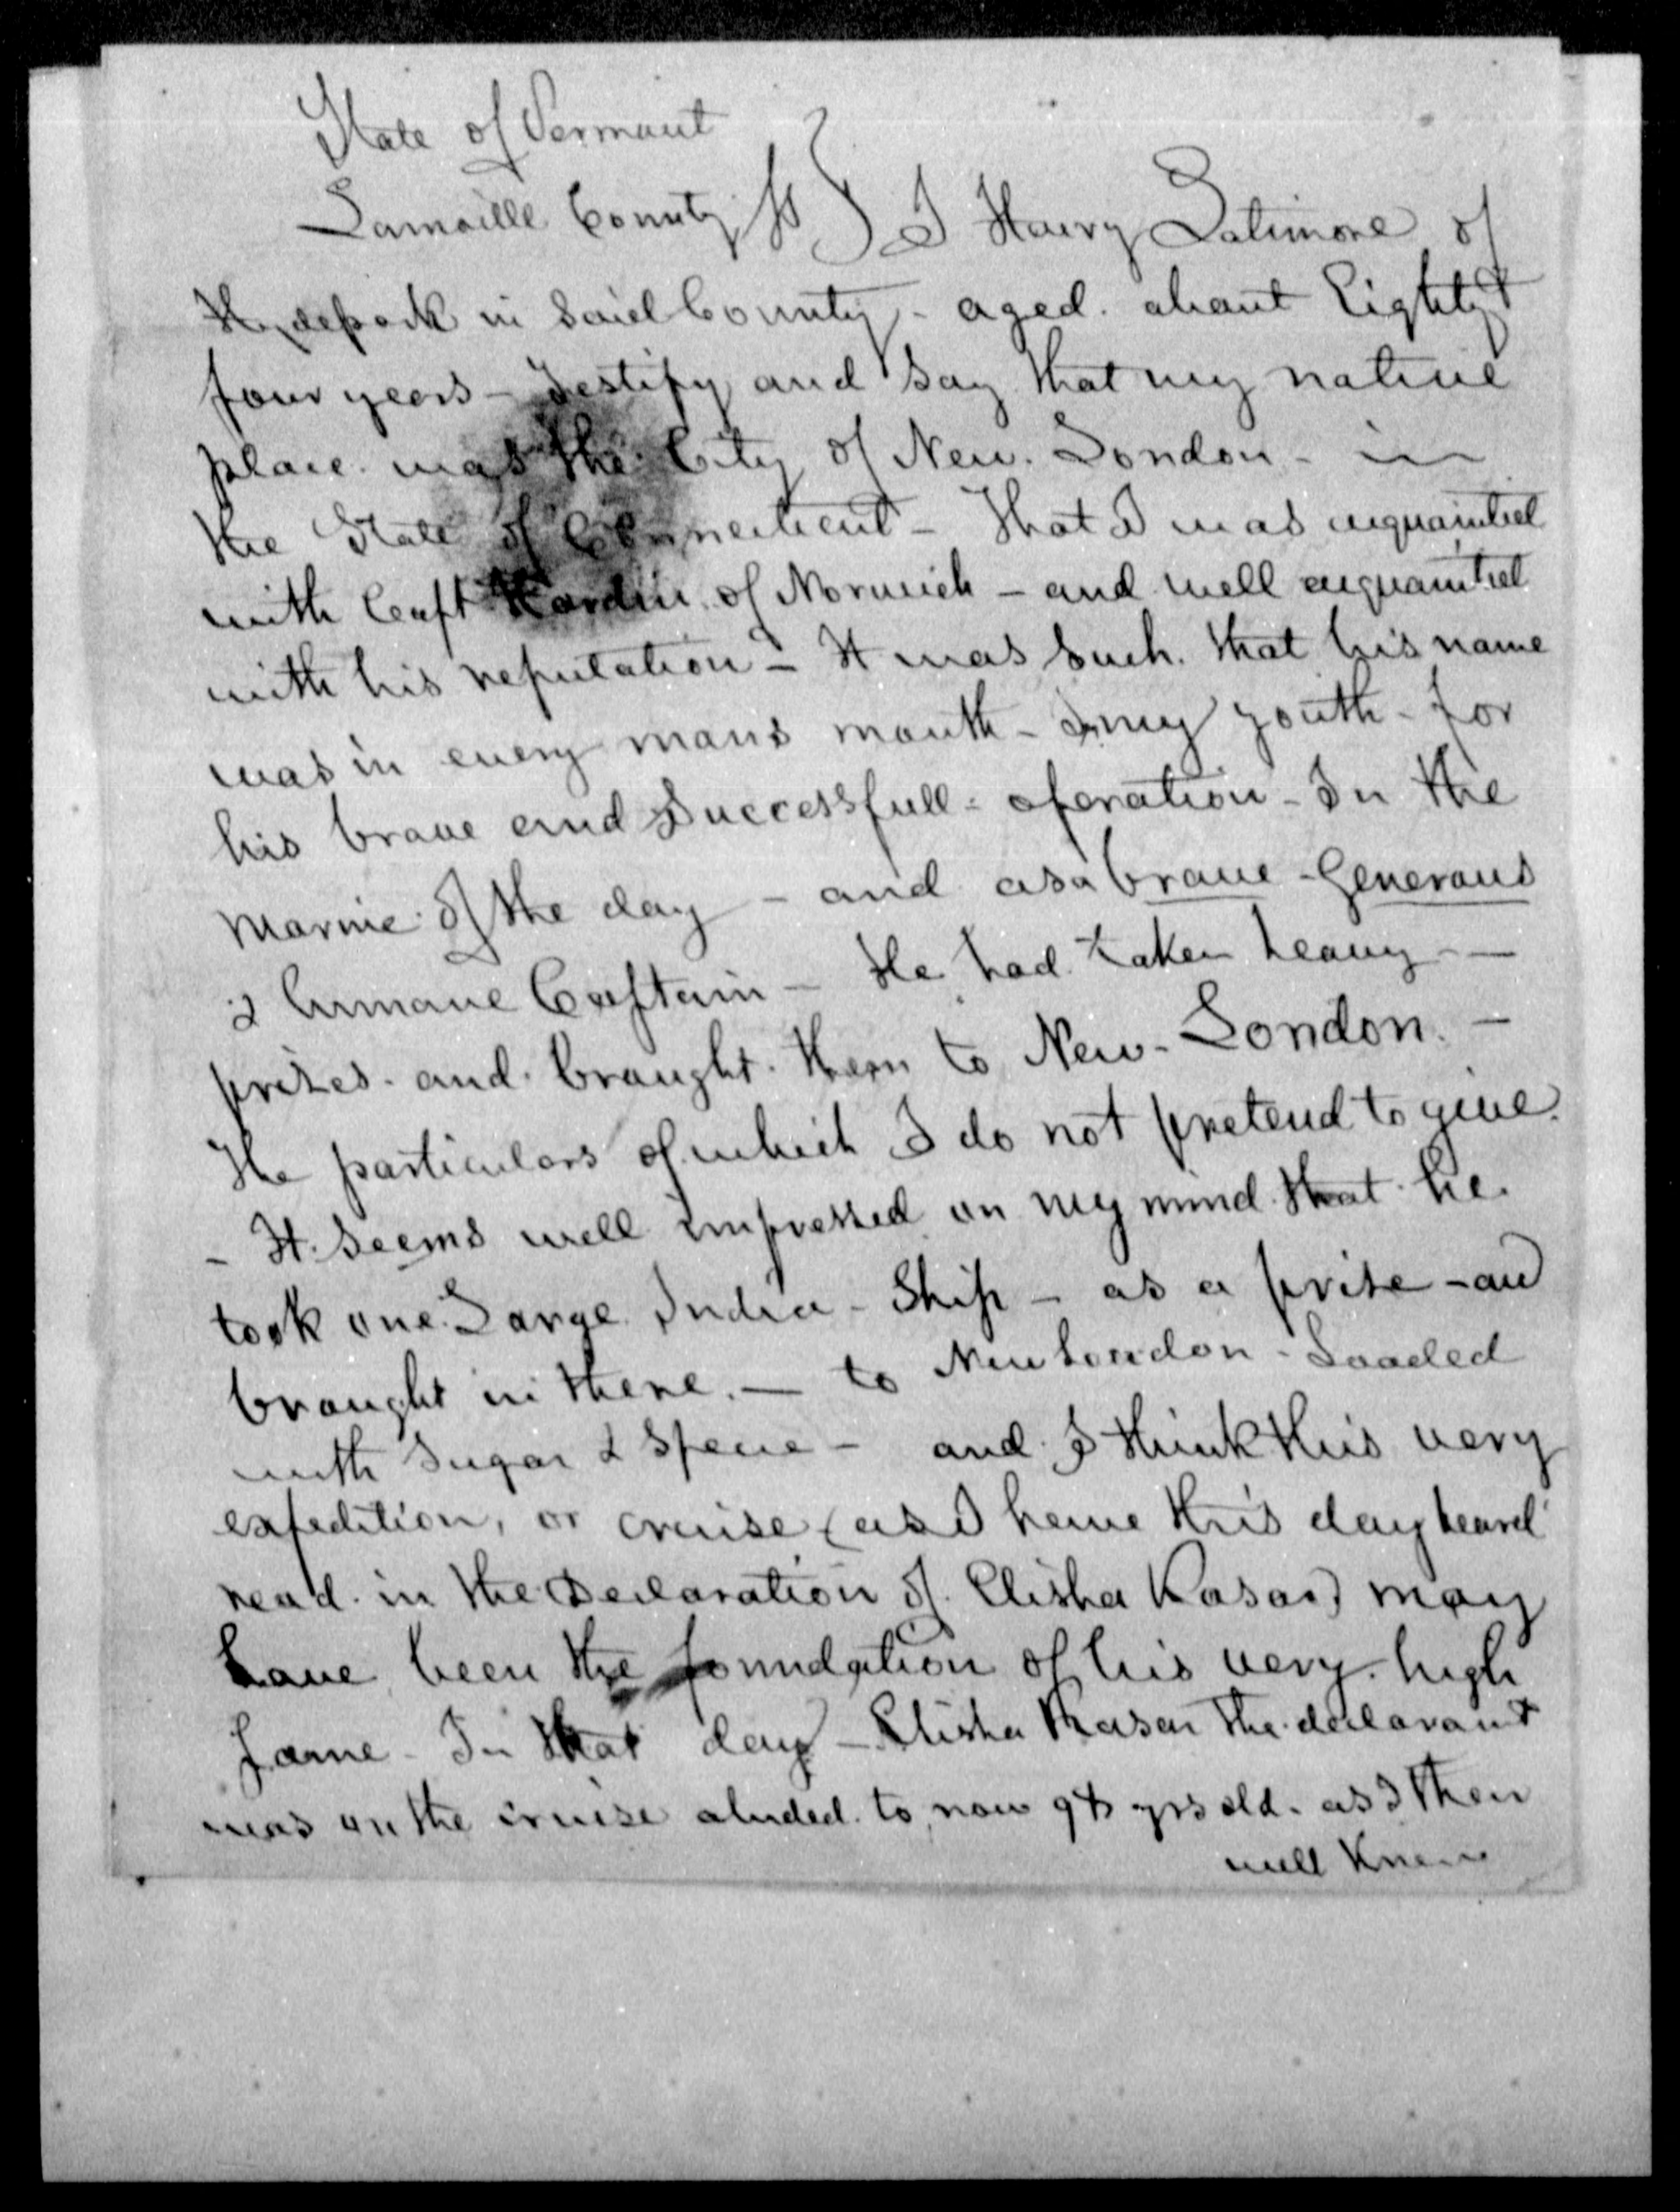State of Vermont
Lamoille County ⎬ 
I Harry Latimore of Hyde Park
in said County, aged about Eighty four
years - testify and say that my native
place was the City of New London in 
the state of Connecticut- That I was acquainted with
Captain Hardin of Norwich - and well acquainted with
his reputation. It was such. that his name
was in every mans mouth - In my youth, for
his brave and successful operation. In the
Marine of the day - and As a brave Generous
& humane Captain - he had taken heavy --
prizes, and brought them to New London
The particulars of which I do not pretend to give
It seems well impressed on my mind that he
took one Large India Ship-- as a prize-and
brought in there.-- to New London Loaded
with Sugar & Specie - and I think this very
expedition, or cruise (as I have this day heard
held in the Declaration I. Elisha Razar May
have been the foundation of his very high
same. In that day Elisha Razar the declarant
was on the cruise alluded to now 98 yrs old, as then
as I then well knew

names: Henry Latimore; Elisha Rasar; Elisha Rasar; [BLANK] Hardin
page: 26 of 30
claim: rejected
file: R. 8625, for Elisha Razar, Connecticut